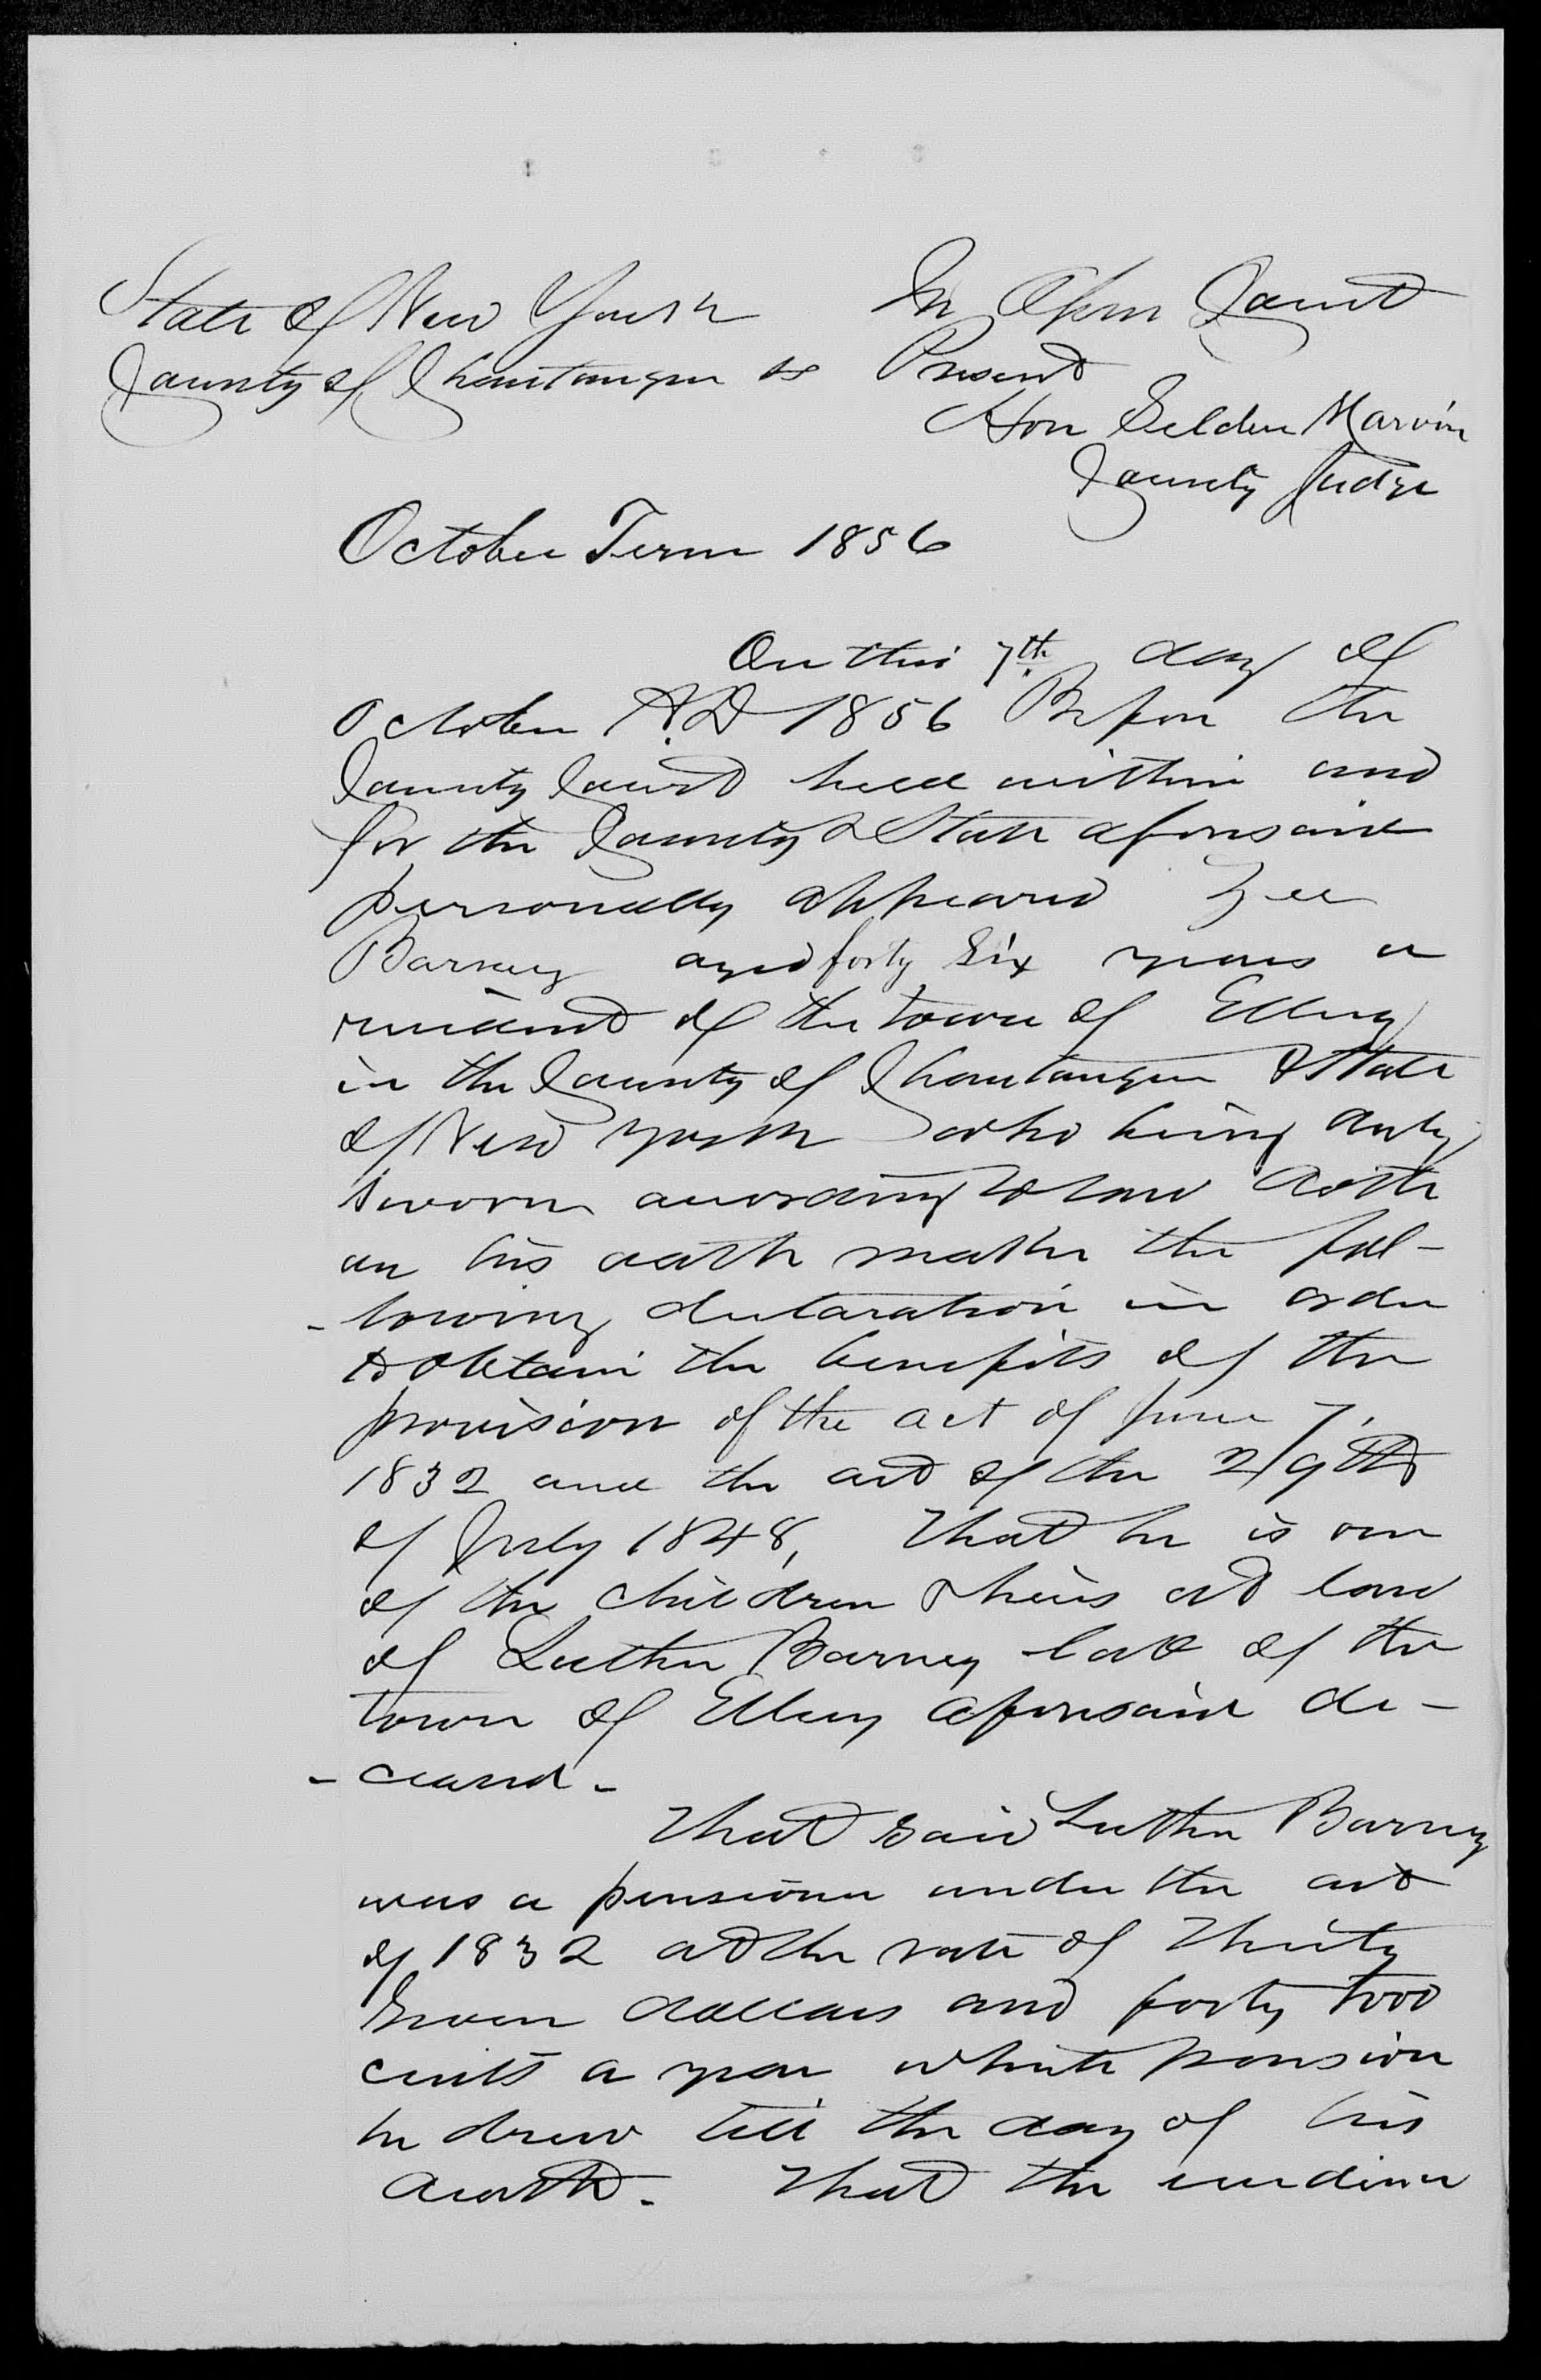State of New York
County of Chautauqua
In Open Court
Present
Hon Seldin Marvin
County Judge
October Term 1856

On this 7th day of October AD 1856 before the
County Court held within and for the County & State aforesaid personally appeared Zee Barney aged forty six years a resident of the town of Ellery in the County of Chautauqua State of New York who being duly Sworn according to law doth on his oath make the following declaration in order to obtain the benefits of the pension of the act of June 7, 1832 and the act of the 29th of July 1848, that he is one of the children & heirs at law of Luther Barney late of the town of Ellery aforesaid deceased-
that said Luther Barney was a pensioner under the act of 1832 at the rate of thirty seven dollars and forty two cents a year which pension he drew till the day of his death. That the evidence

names: Luther Barney, Barney, Selden Marvin, Luther Barney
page: 14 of 61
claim: widow's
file: W. 4.124, Luther Barney, Conn. Privateer.